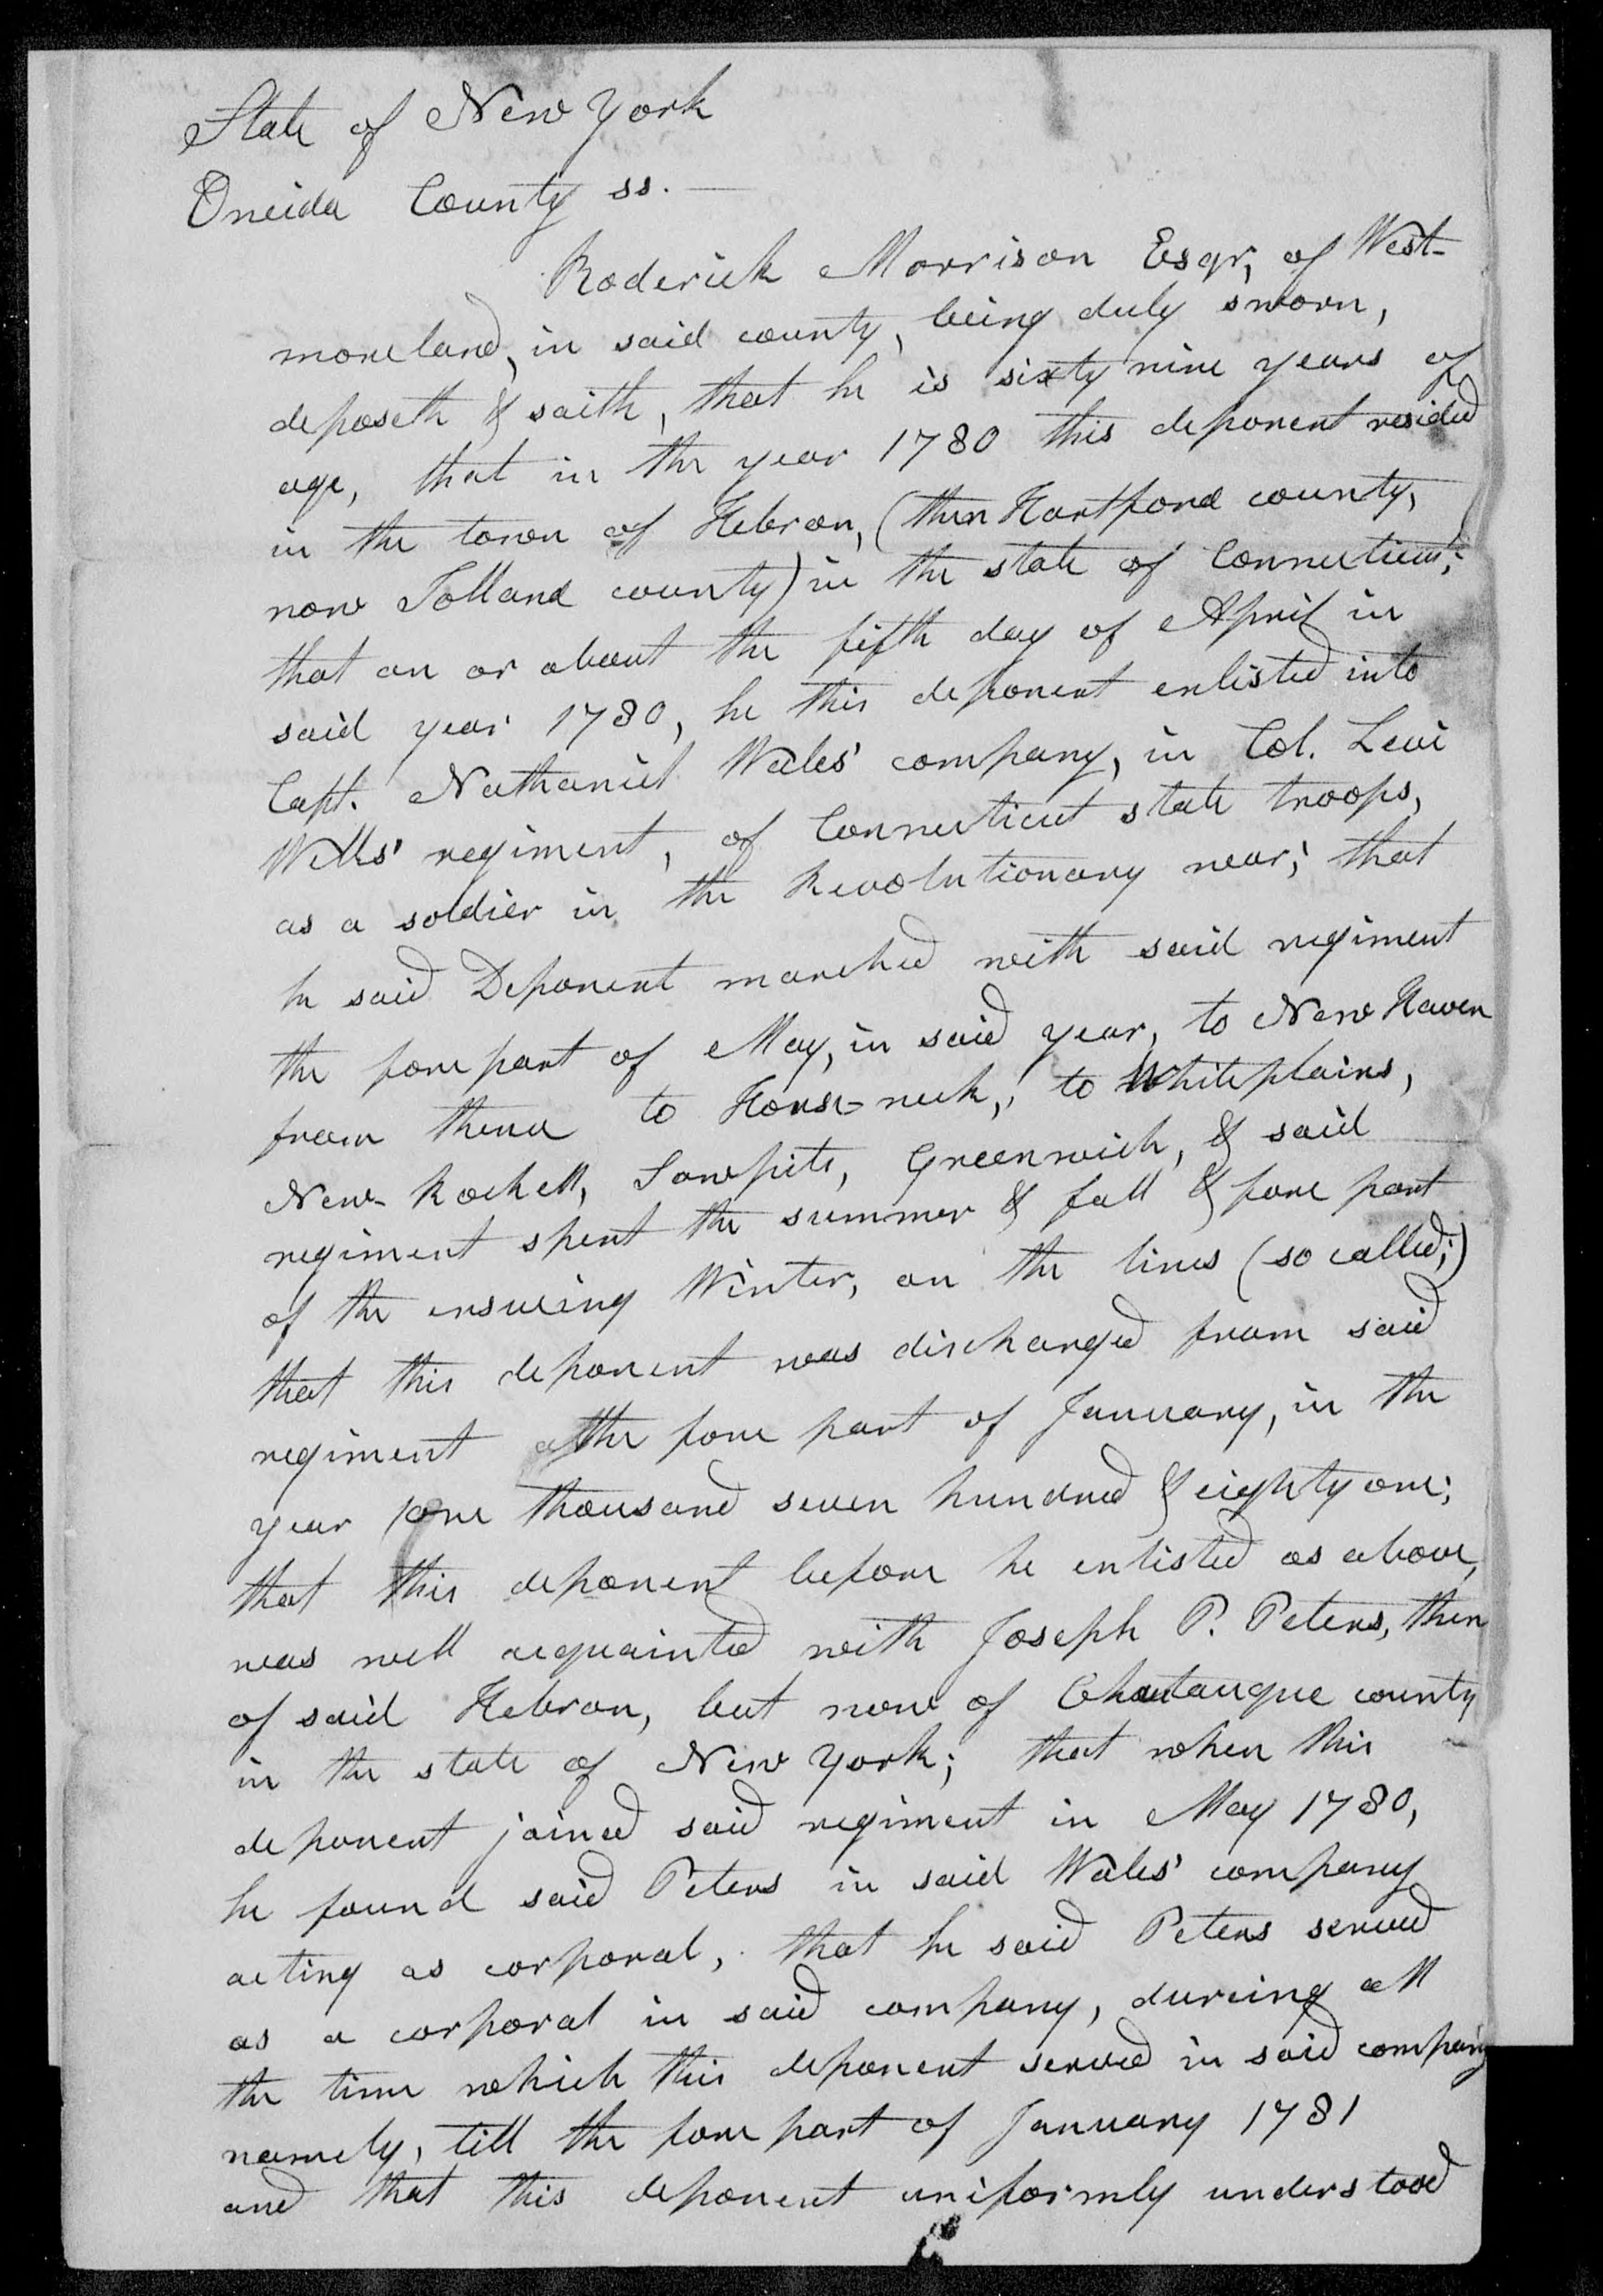State of New York 
Oneida County ss 
Roderick Morrison Esqr of Westmoreland in said county being duly sworn, deposeth & saith, that he is sixty nine years of age, that in the year 1780 this deponent resided in the town of Hebron, (then Hartford County, now Tolland County) in the State of Connecticut, that on or about the fifth day of April in said year 1780, he this deponent enlisted into Capt. Nathaniel Wales company, in Col. Levi Wills regiment of Connecticut state troops as a soldier in the Revolutionary war; that the said Deponent marched with said regiment the forepart of May, in said year, to New Haven from thence to Horseneck to White Plains, New Rochelle, Sawpit,   Greenwich, & said regiment spent the summer & fall & fore part of the ensueing winter, on the lines (so called) that this deponent was discharged from said regiment the fore part of January, in the year one thousand seven hundred & eighty one;  that this deponent before he enlisted as above was well acquainted with Joseph P. Peters, then of said Hebron, but now of Chautauqua County in the state of New York, that when this deponent joined said regiment in May 1780 he found said Peters in said Wales' company acting as corporal, that he said Peters served as a corporal in said company, during all the time which this deponent served in said company namely, till the fore part of January 1781 and that this deponent uniformly understood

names: Roderick Morrison; Joseph P Peters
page: 50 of 73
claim: widow's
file: W. 2338, for Joseph P Peters, Connecticut